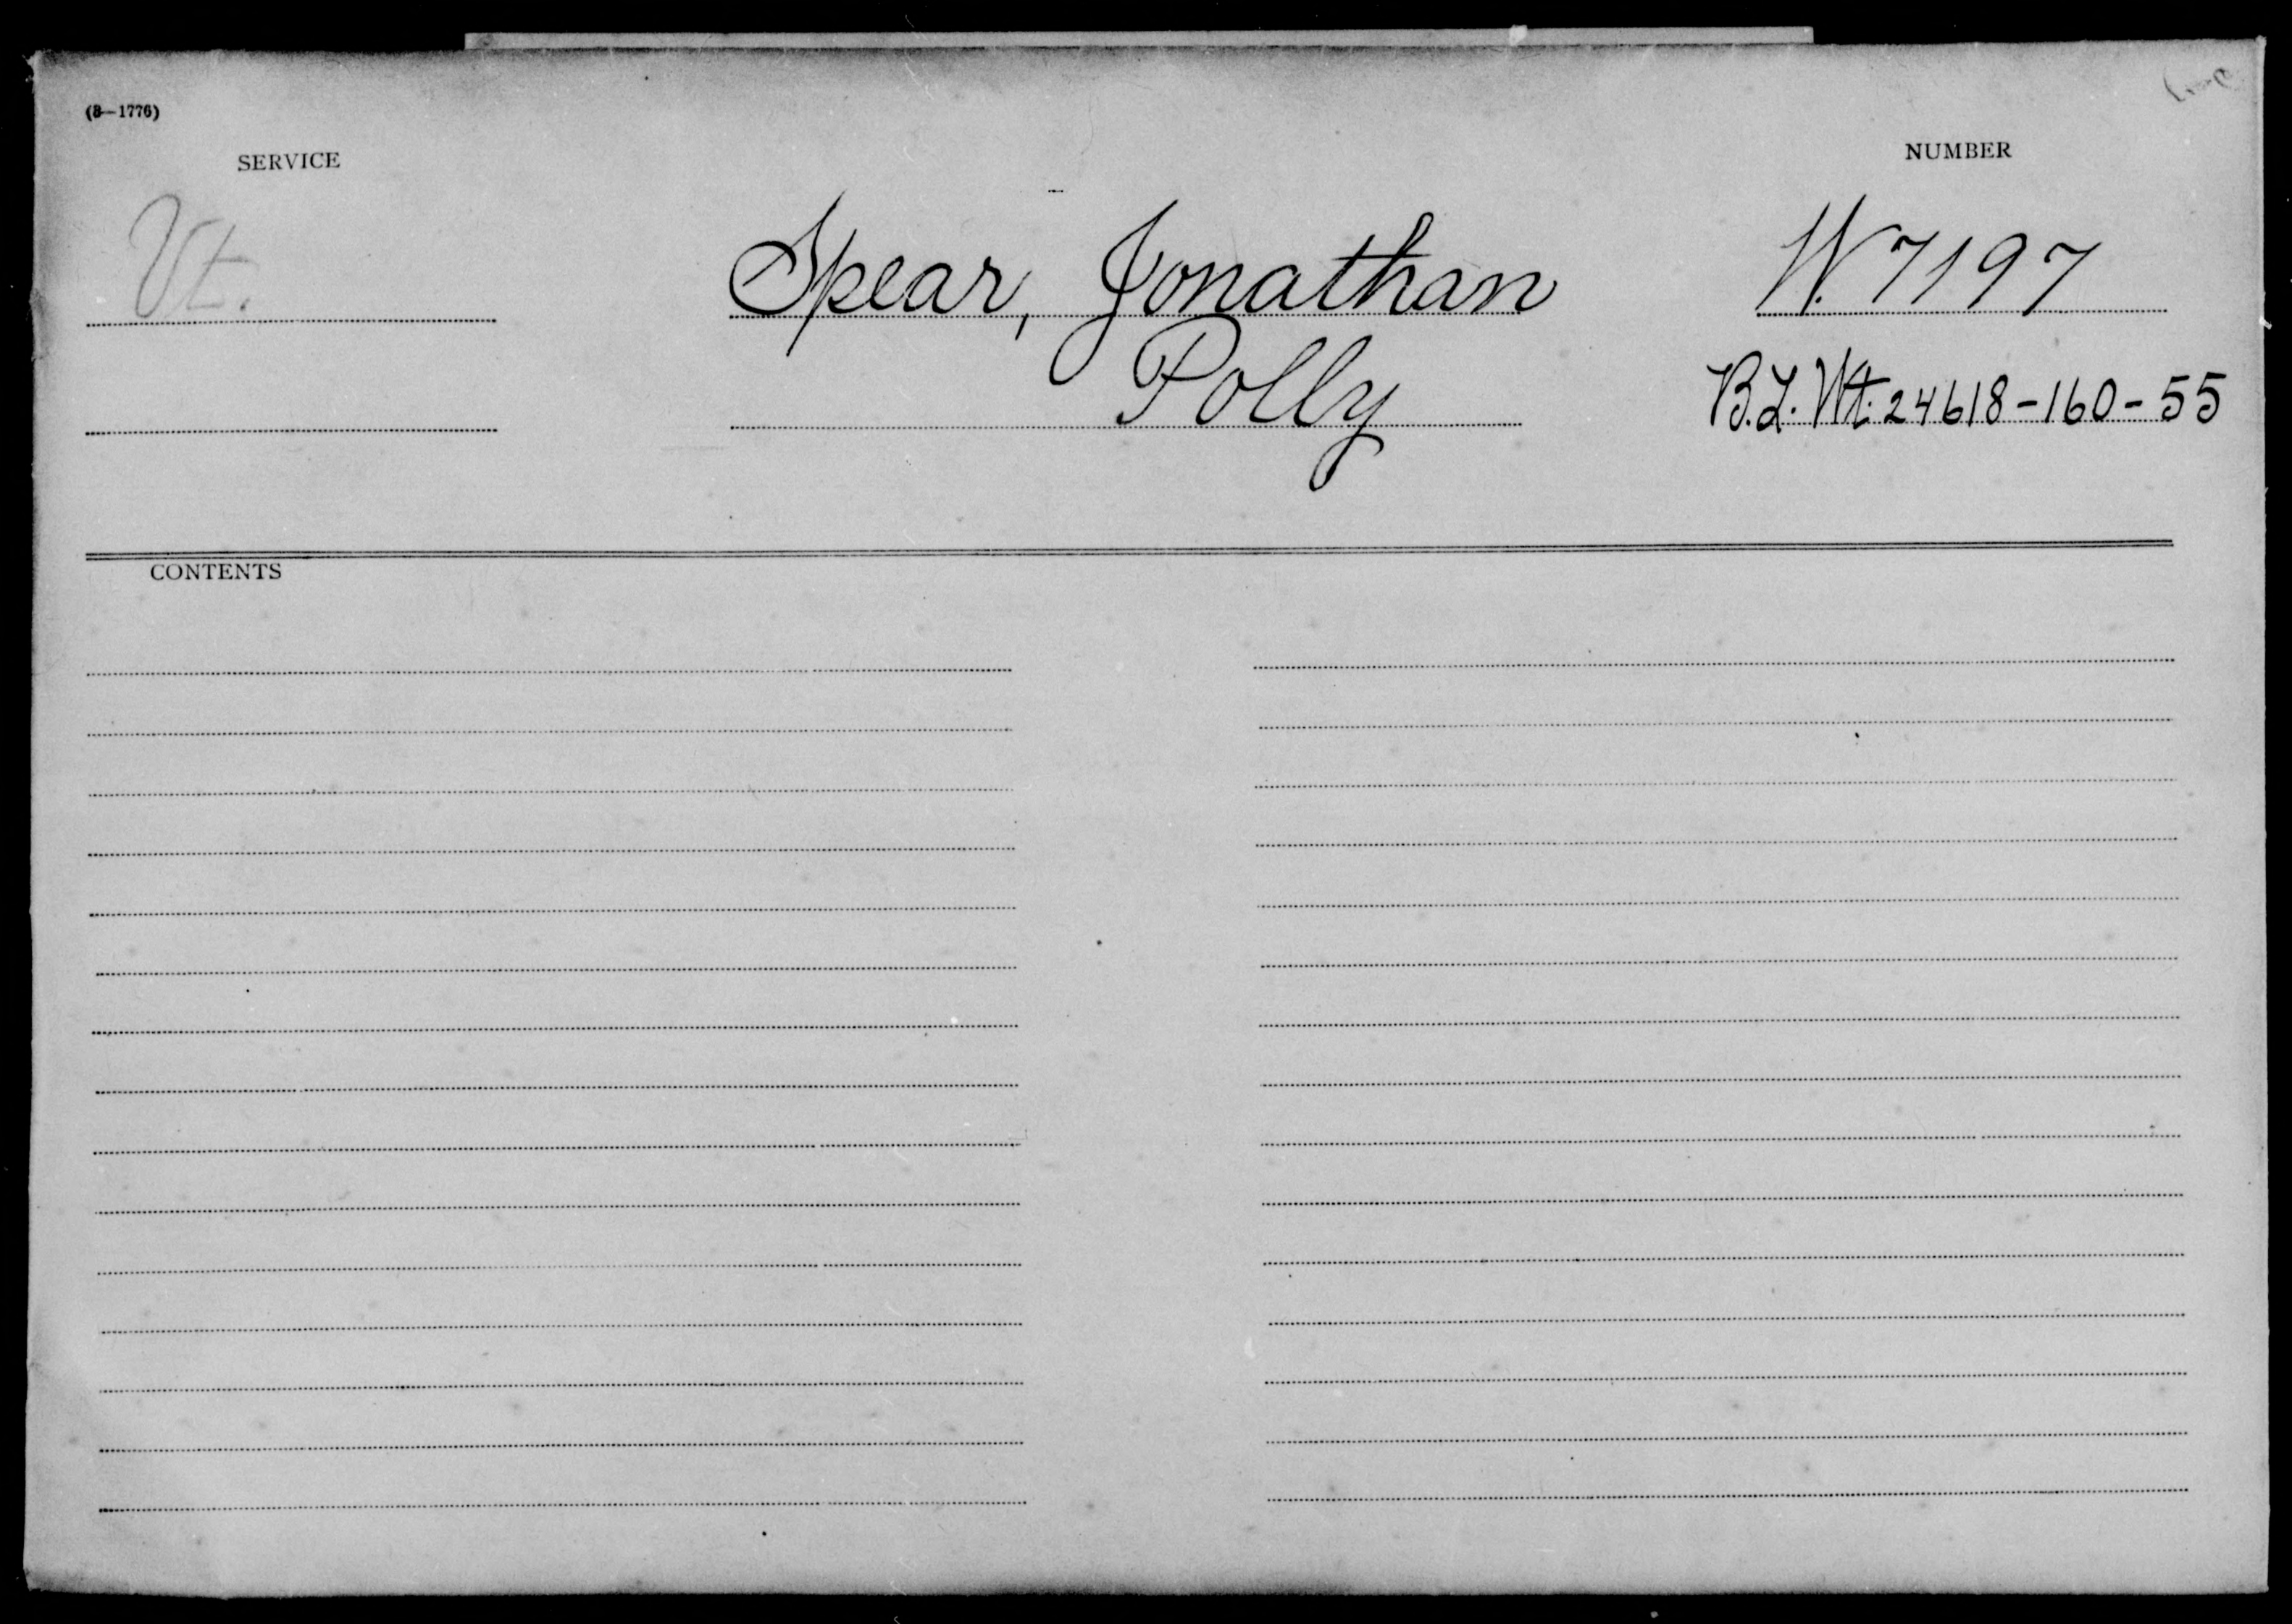(8-1776)
SERVICE
Vt.
Spear, Jonathan
Polly
NUMBER
W.7197
B.L. Wt. 24618-160-55
CONTENTS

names: [BLANK]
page: 1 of 65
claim: widow's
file: W. 7197, for Jonathan Spear, Vermont